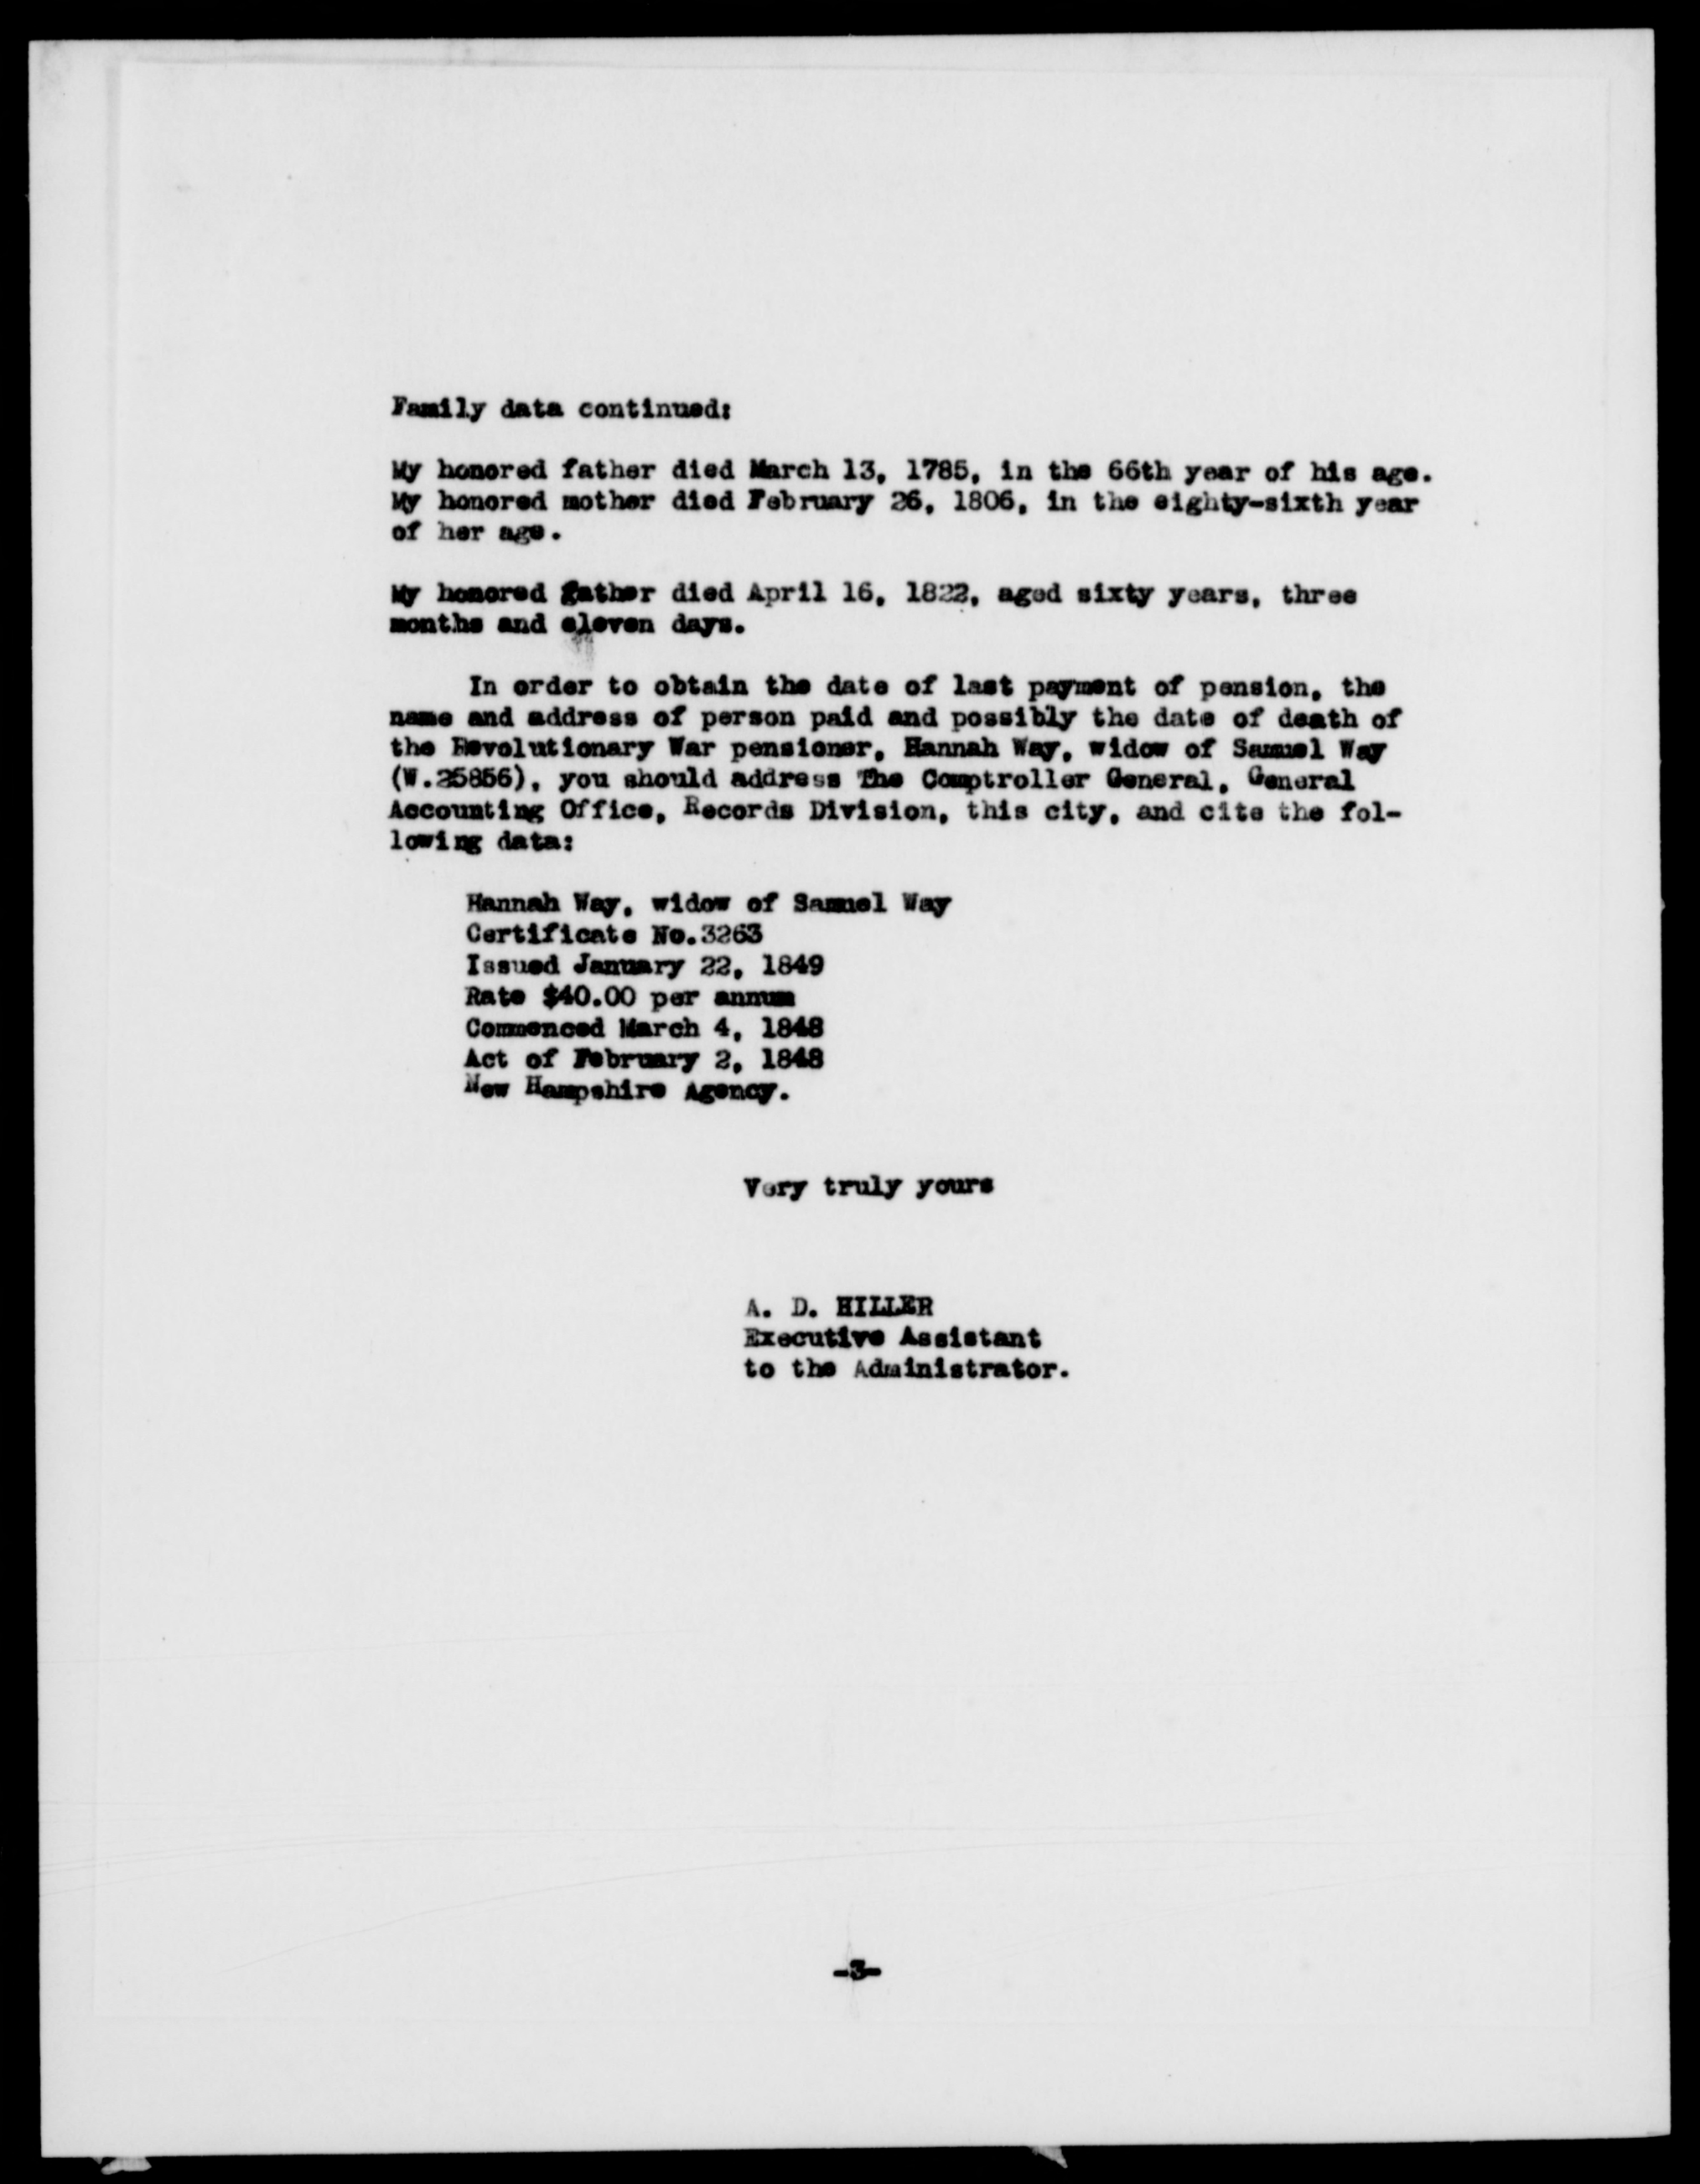Family data continued:
My honored father died March 13, 1785, in the 66th year of his age.
My honored mother died February 25, 1806, in the eighty-sixth year
of her age.
My honored father died April 16, 1822, aged sixty years, three
months and eleven days.
In order to obtain the date of last payment of pension, the
name and address of person paid and possibly the date of death of
the Revolutionary War pensioner, Hannah Way, widow of Samuel Way
( W. 25856), you should address The Comptroller General, General
Accounting Office, Records Division, this city, and cite the following
data:
Hannah Way, widow of Samuel Way
Certificate No. 3263
Issued January 22, 1849
Rate $40.00 per annum
Commenced March 4, 1848
Act of February 2, 1848
New Hampshire Agency.
Very truly yours
A. D. HILLER
Executive Assistant
to the Administrator.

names: Hannah Way, A D Hiller, Samuel Way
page: 21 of 78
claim: widow's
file: W. 25856, Samuel Way, N.H.